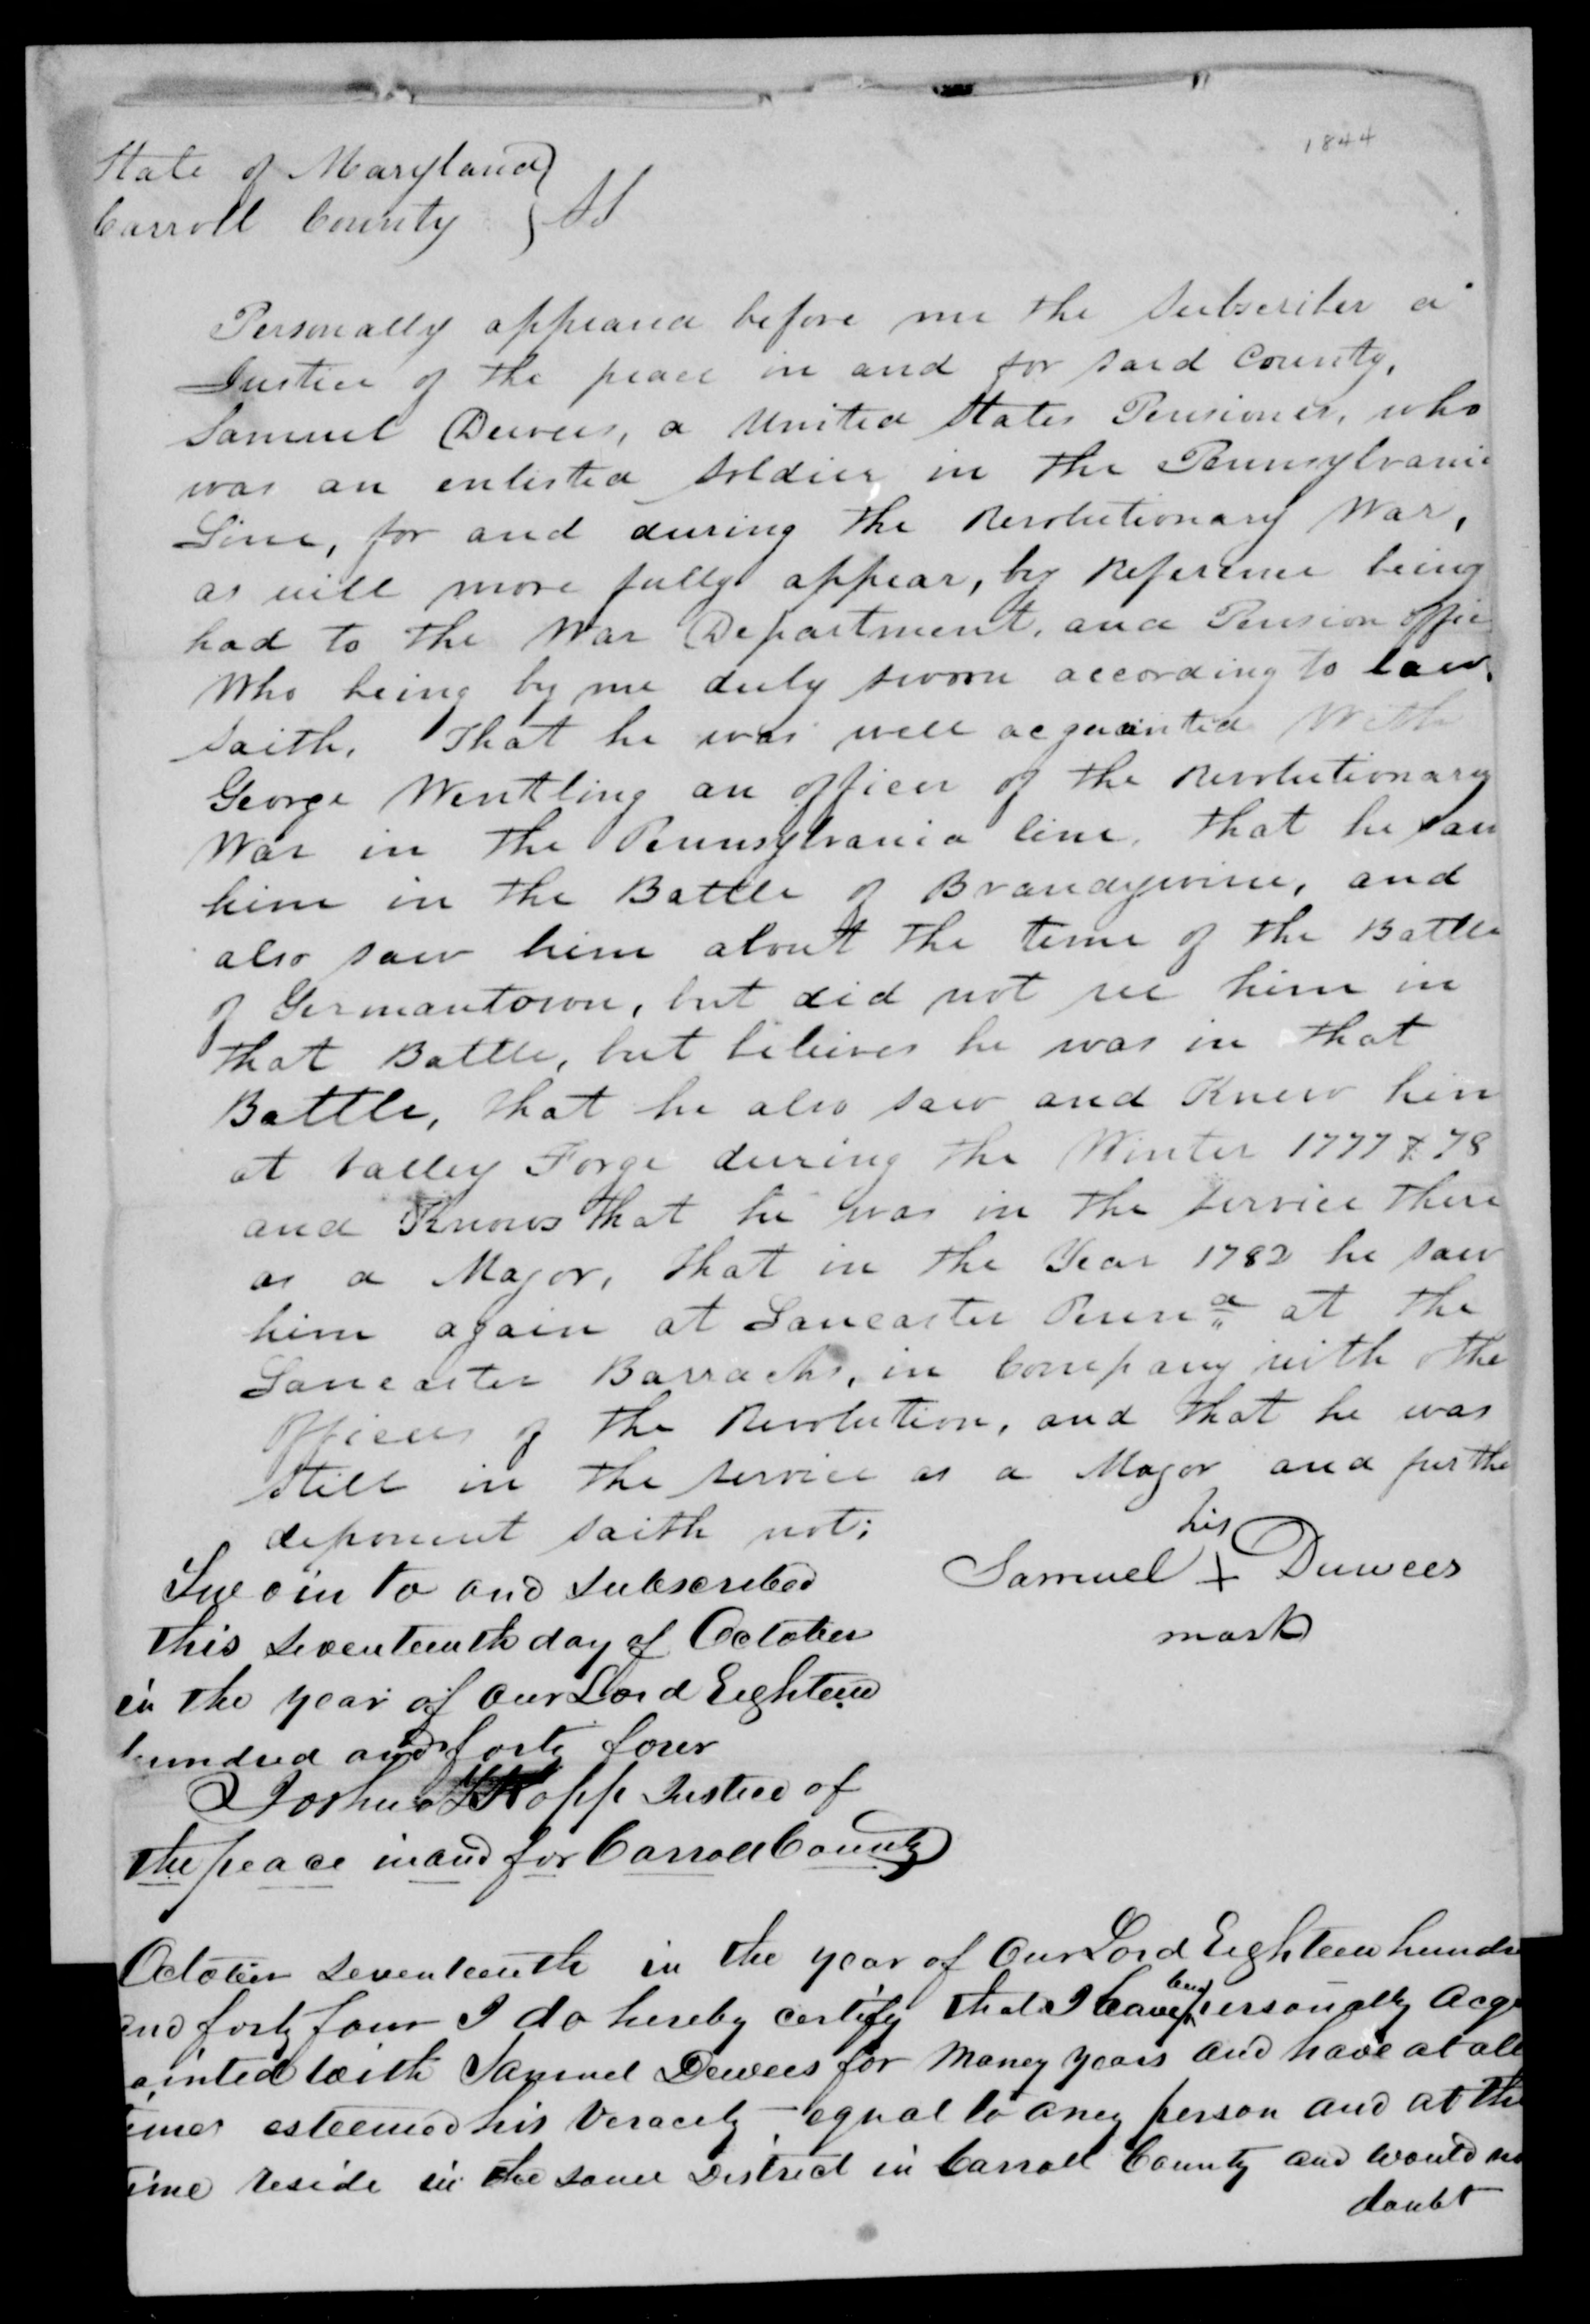State of Maryland Carroll County  SS
Personally appeared before me the Subscriber a
Justice of the peace in and for said County
Samuel Dewees, a United States Pensioner, who
was an enlisted Soldier in the Pennsylvania
line, for and during the Revolutionary War,
as will more fully appear by reference being
had to the War Department, and Pension office
who being by me duly sworn according to law
saith, That he was well acquainted with
George Wentling an officer of the Revolutionary War
in the Pennsylvania line, that he saw
him in the Battle of Brandywine, and
also saw him about the time of the Battle of
Germantown, but did not see him in
that Battle, but believes he was in that
Battle, that he also saw and knew him
at Valley Forge during the Winter 1777 & 78
and knows that he was in the service there
as a Major, that in the year 1782 he saw
him again at Lancaster and at the
Lancaster Barrack, in company with the
officers of the Revolution, and that he was
still in the service as a Major and further the
deponent saith not:
Samuel Dewees his mark
Sworn to and subscribed this seventeenth day of October in 
the year of our Lord Eighteen hundred and forty four
Joshua F Kopp Justice of
the peace in and for Carroll County


October seventeenth in the year of our Lord Eighteen hundred and forty four I do hereby certify that I have been personally acquainted with Samuel Dewees for many years and have at all times esteemed his veracity equal to any person and at the
time reside in the same District in Carroll County and would no
doubt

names: Joshua F Kopp, George Wentling, Samuel Dewees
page: 42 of 68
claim: survivor's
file: S. 6,358, George Wentling, Penn.